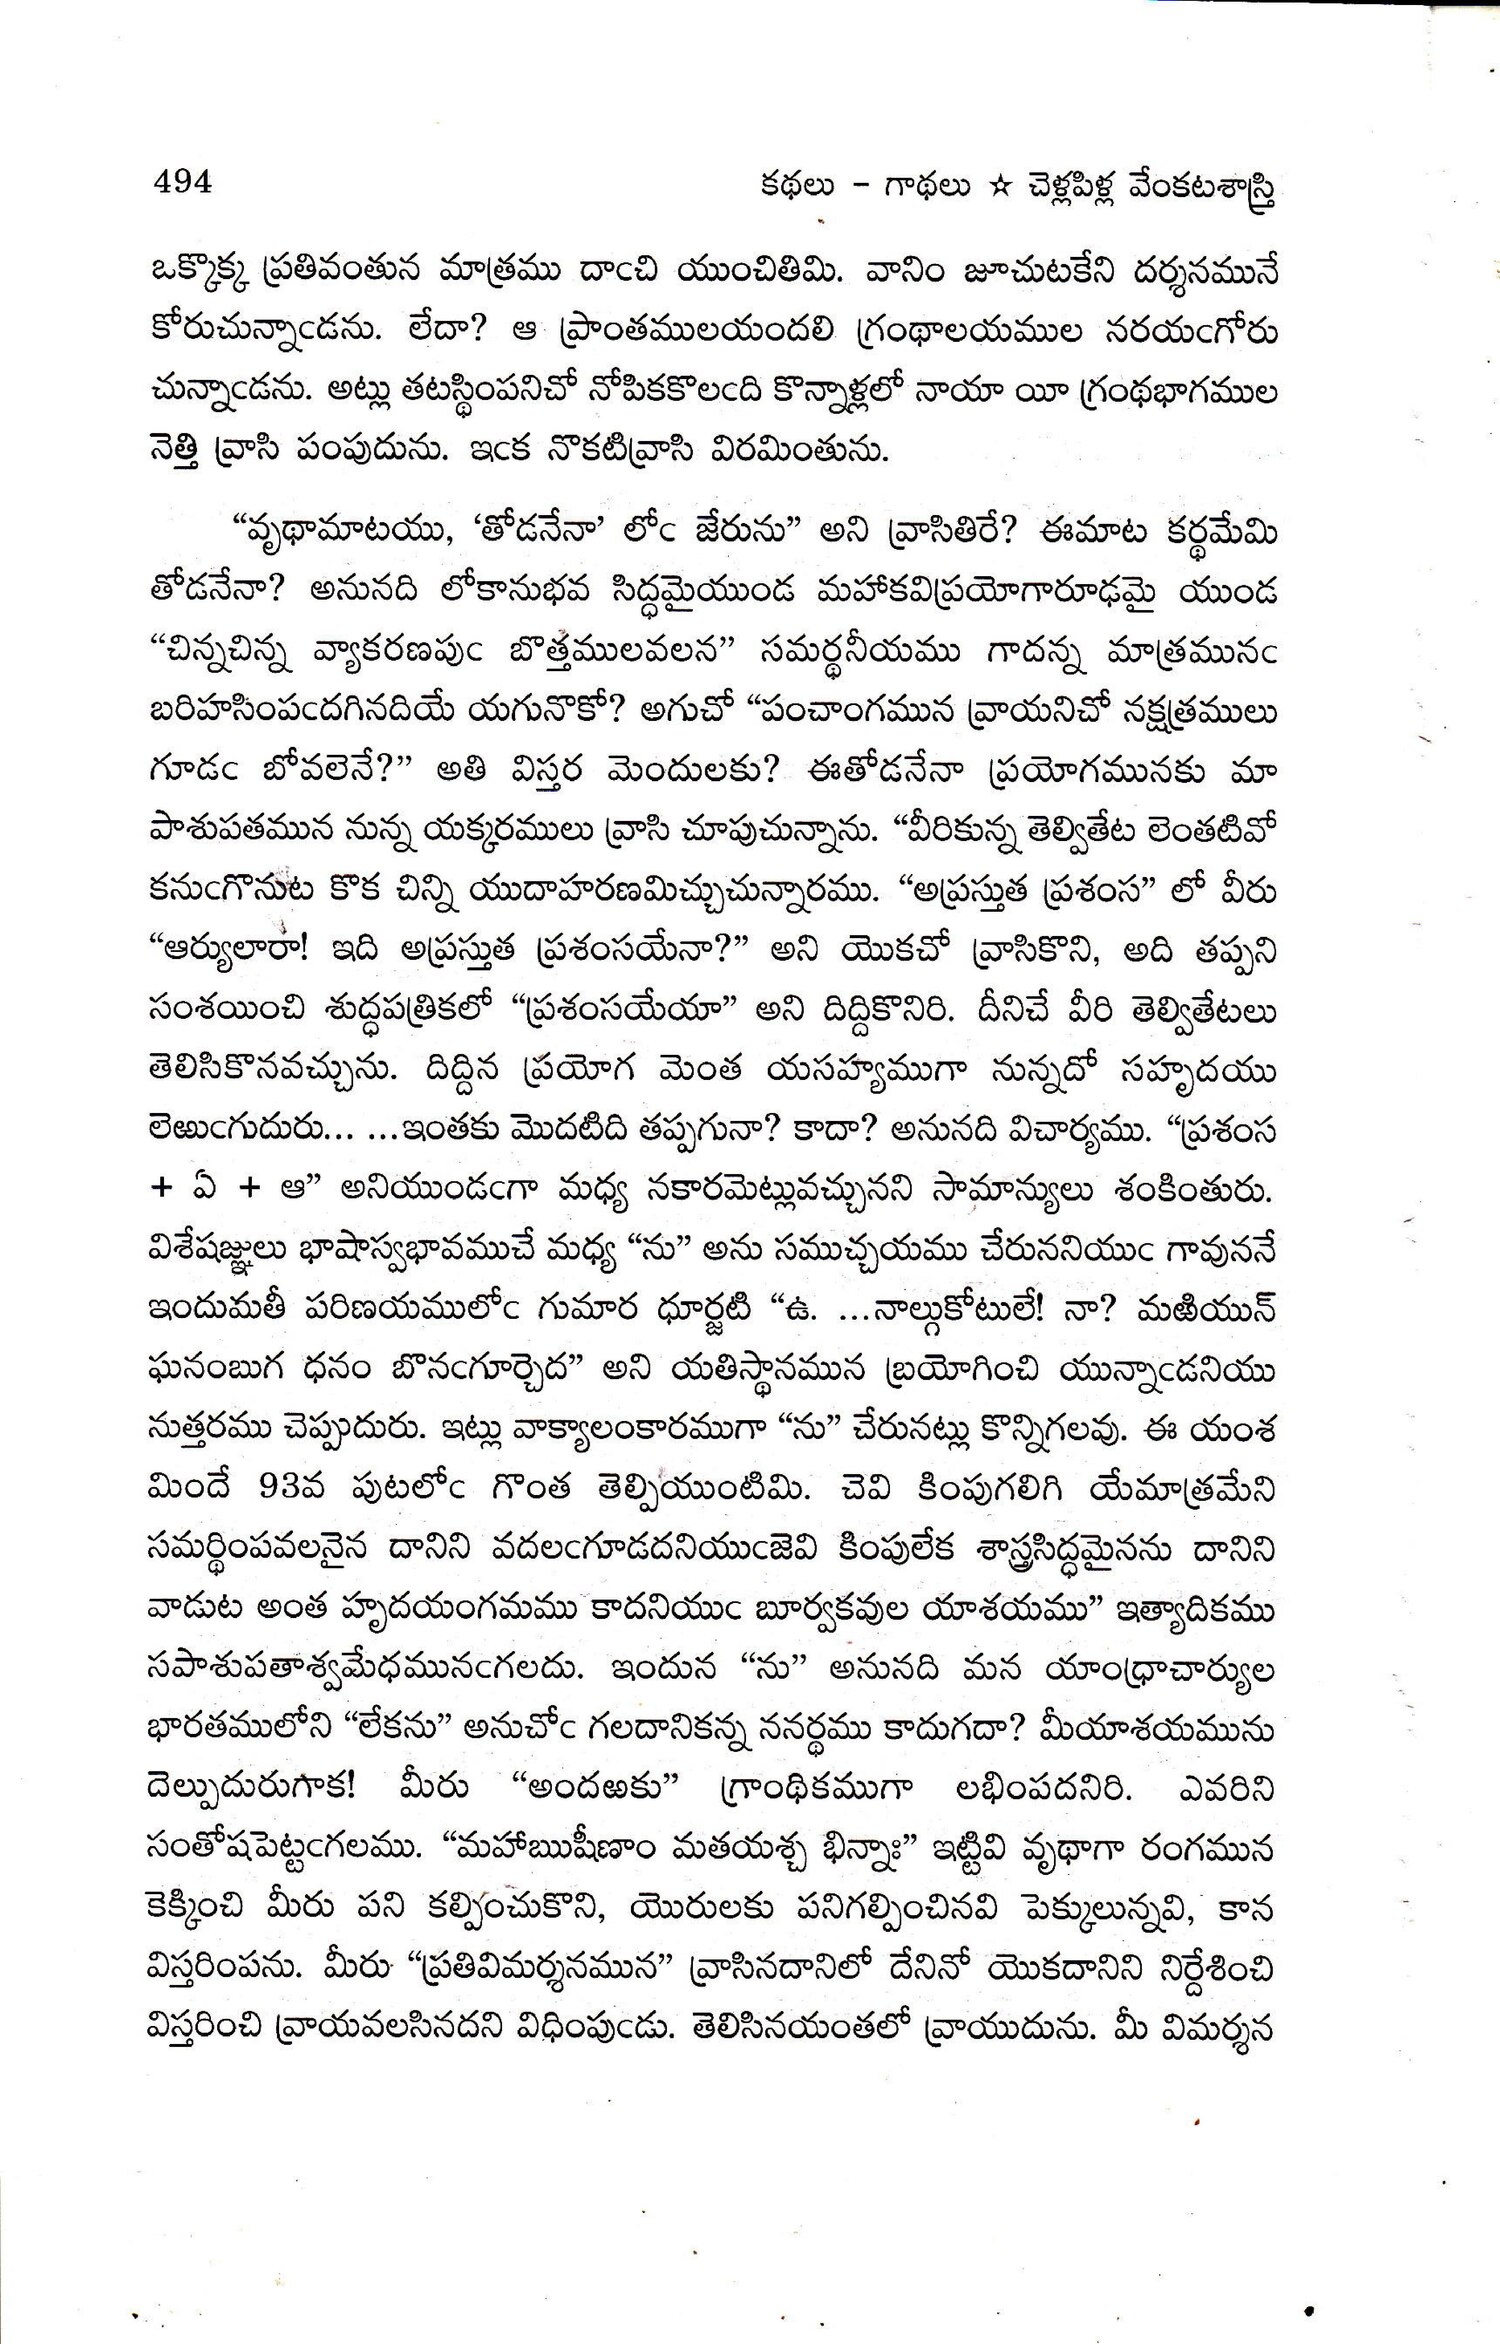ఒక్కొక్క ప్రతివంతున మాత్రము దాఁచి యుంచితిమి. వానిం జూచుటకేని దర్శనమునే కోరుచున్నాఁడను. లేదా? ఆ ప్రాంతములయందలి గ్రంథాలయముల నరయఁగోరు చున్నాఁడను. అట్లు తటస్థింపనిచో నోపికకొలఁది కొన్నాళ్లలో నాయా యీ గ్రంథభాగముల నెత్తి వ్రాసి పంపుదును. ఇఁక నొకటి వ్రాసి విరమింతును.

"వృథామాటయు, 'తోడనేనా' లోఁ జేరును" అని వ్రాసితిరే? ఈమాట కర్థమేమి తోడనేనా? అనునది లోకానుభవ సిద్ధమైయుండ మహాకవిప్రయోగారూఢమై యుండ "చిన్నచిన్న వ్యాకరణపుఁ బొత్తములవలన" సమర్థనీయము గాదన్న మాత్రమునఁ బరిహసింపఁదగినదియే యగునొకో? అగుచో “పంచాంగమున వ్రాయనిచో నక్షత్రములు గూడఁ బోవలెనే?” అతి విస్తర మెందులకు? ఈతోడనేనా ప్రయోగమునకు మా పాశుపతమున నున్న యక్కరములు వ్రాసి చూపుచున్నాను. “వీరికున్న తెల్వితేట లెంతటివో కనుఁగొనుట కొక చిన్ని యుదాహరణమిచ్చుచున్నారము. “అప్రస్తుత ప్రశంస" లో వీరు “ఆర్యులారా! ఇది అప్రస్తుత ప్రశంసయేనా?” అని యొకచో వ్రాసికొని, అది తప్పని సంశయించి శుద్ధపత్రికలో "ప్రశంసయేయా" అని దిద్దికొనిరి. దీనిచే వీరి తెల్వితేటలు తెలిసికొనవచ్చును. దిద్దిన ప్రయోగ మెంత యసహ్యముగా నున్నదో సహృదయు లెఱుఁగుదురు... ...ఇంతకు మొదటిది తప్పగునా? కాదా? అనునది విచార్యము. “ప్రశంస + ఏ + ఆ” అనియుండఁగా మధ్య నకారమెట్లువచ్చునని సామాన్యులు శంకింతురు. విశేషజ్ఞులు భాషాస్వభావముచే మధ్య “ను" అను సముచ్చయము చేరుననియుఁ గావుననే ఇందుమతీ పరిణయములోఁ గుమార ధూర్జటి “ఉ. ...నాల్గుకోటులే! నా? మఱియున్ ఘనంబుగ ధనం బొనఁగూర్చెద" అని యతిస్థానమున బ్రయోగించి యున్నాఁడనియు నుత్తరము చెప్పుదురు. ఇట్లు వాక్యాలంకారముగా “ను" చేరునట్లు కొన్నిగలవు. ఈ యంశ మిందే 93వ పుటలోఁ గొంత తెల్ఫియుంటిమి. చెవి కింపుగలిగి యేమాత్రమేని సమర్ధింపవలనైన దానిని వదలఁగూడదనియుఁజెవి కింపులేక శాస్త్రసిద్ధమైనను దానిని వాడుట అంత హృదయంగమము కాదనియుఁ బూర్వకవుల యాశయము" ఇత్యాదికము సపాశుపతాశ్వమేధమునఁగలదు. ఇందున “ను" అనునది మన యాంధ్రాచార్యుల భారతములోని "లేకను" అనుచోఁ గలదానికన్న ననర్థము కాదుగదా? మీయాశయమును దెల్పుదురుగాక! మీరు “అందఱకు” గ్రాంథికముగా లభింపదనిరి. ఎవరిని సంతోషపెట్టఁగలము. “మహాఋషీణాం మతయశ్చ భిన్నా" ఇట్టివి వృథాగా రంగమున కెక్కించి మీరు పని కల్పించుకొని, యొరులకు పనిగల్పించినవి పెక్కులున్నవి, కాన విస్తరింపను. మీరు "ప్రతివిమర్శనమున" వ్రాసినదానిలో దేనినో యొకదానిని నిర్దేశించి విస్తరించి వ్రాయవలసినదని విధింపుఁడు. తెలిసినయంతలో వ్రాయుదును. మీ విమర్శన